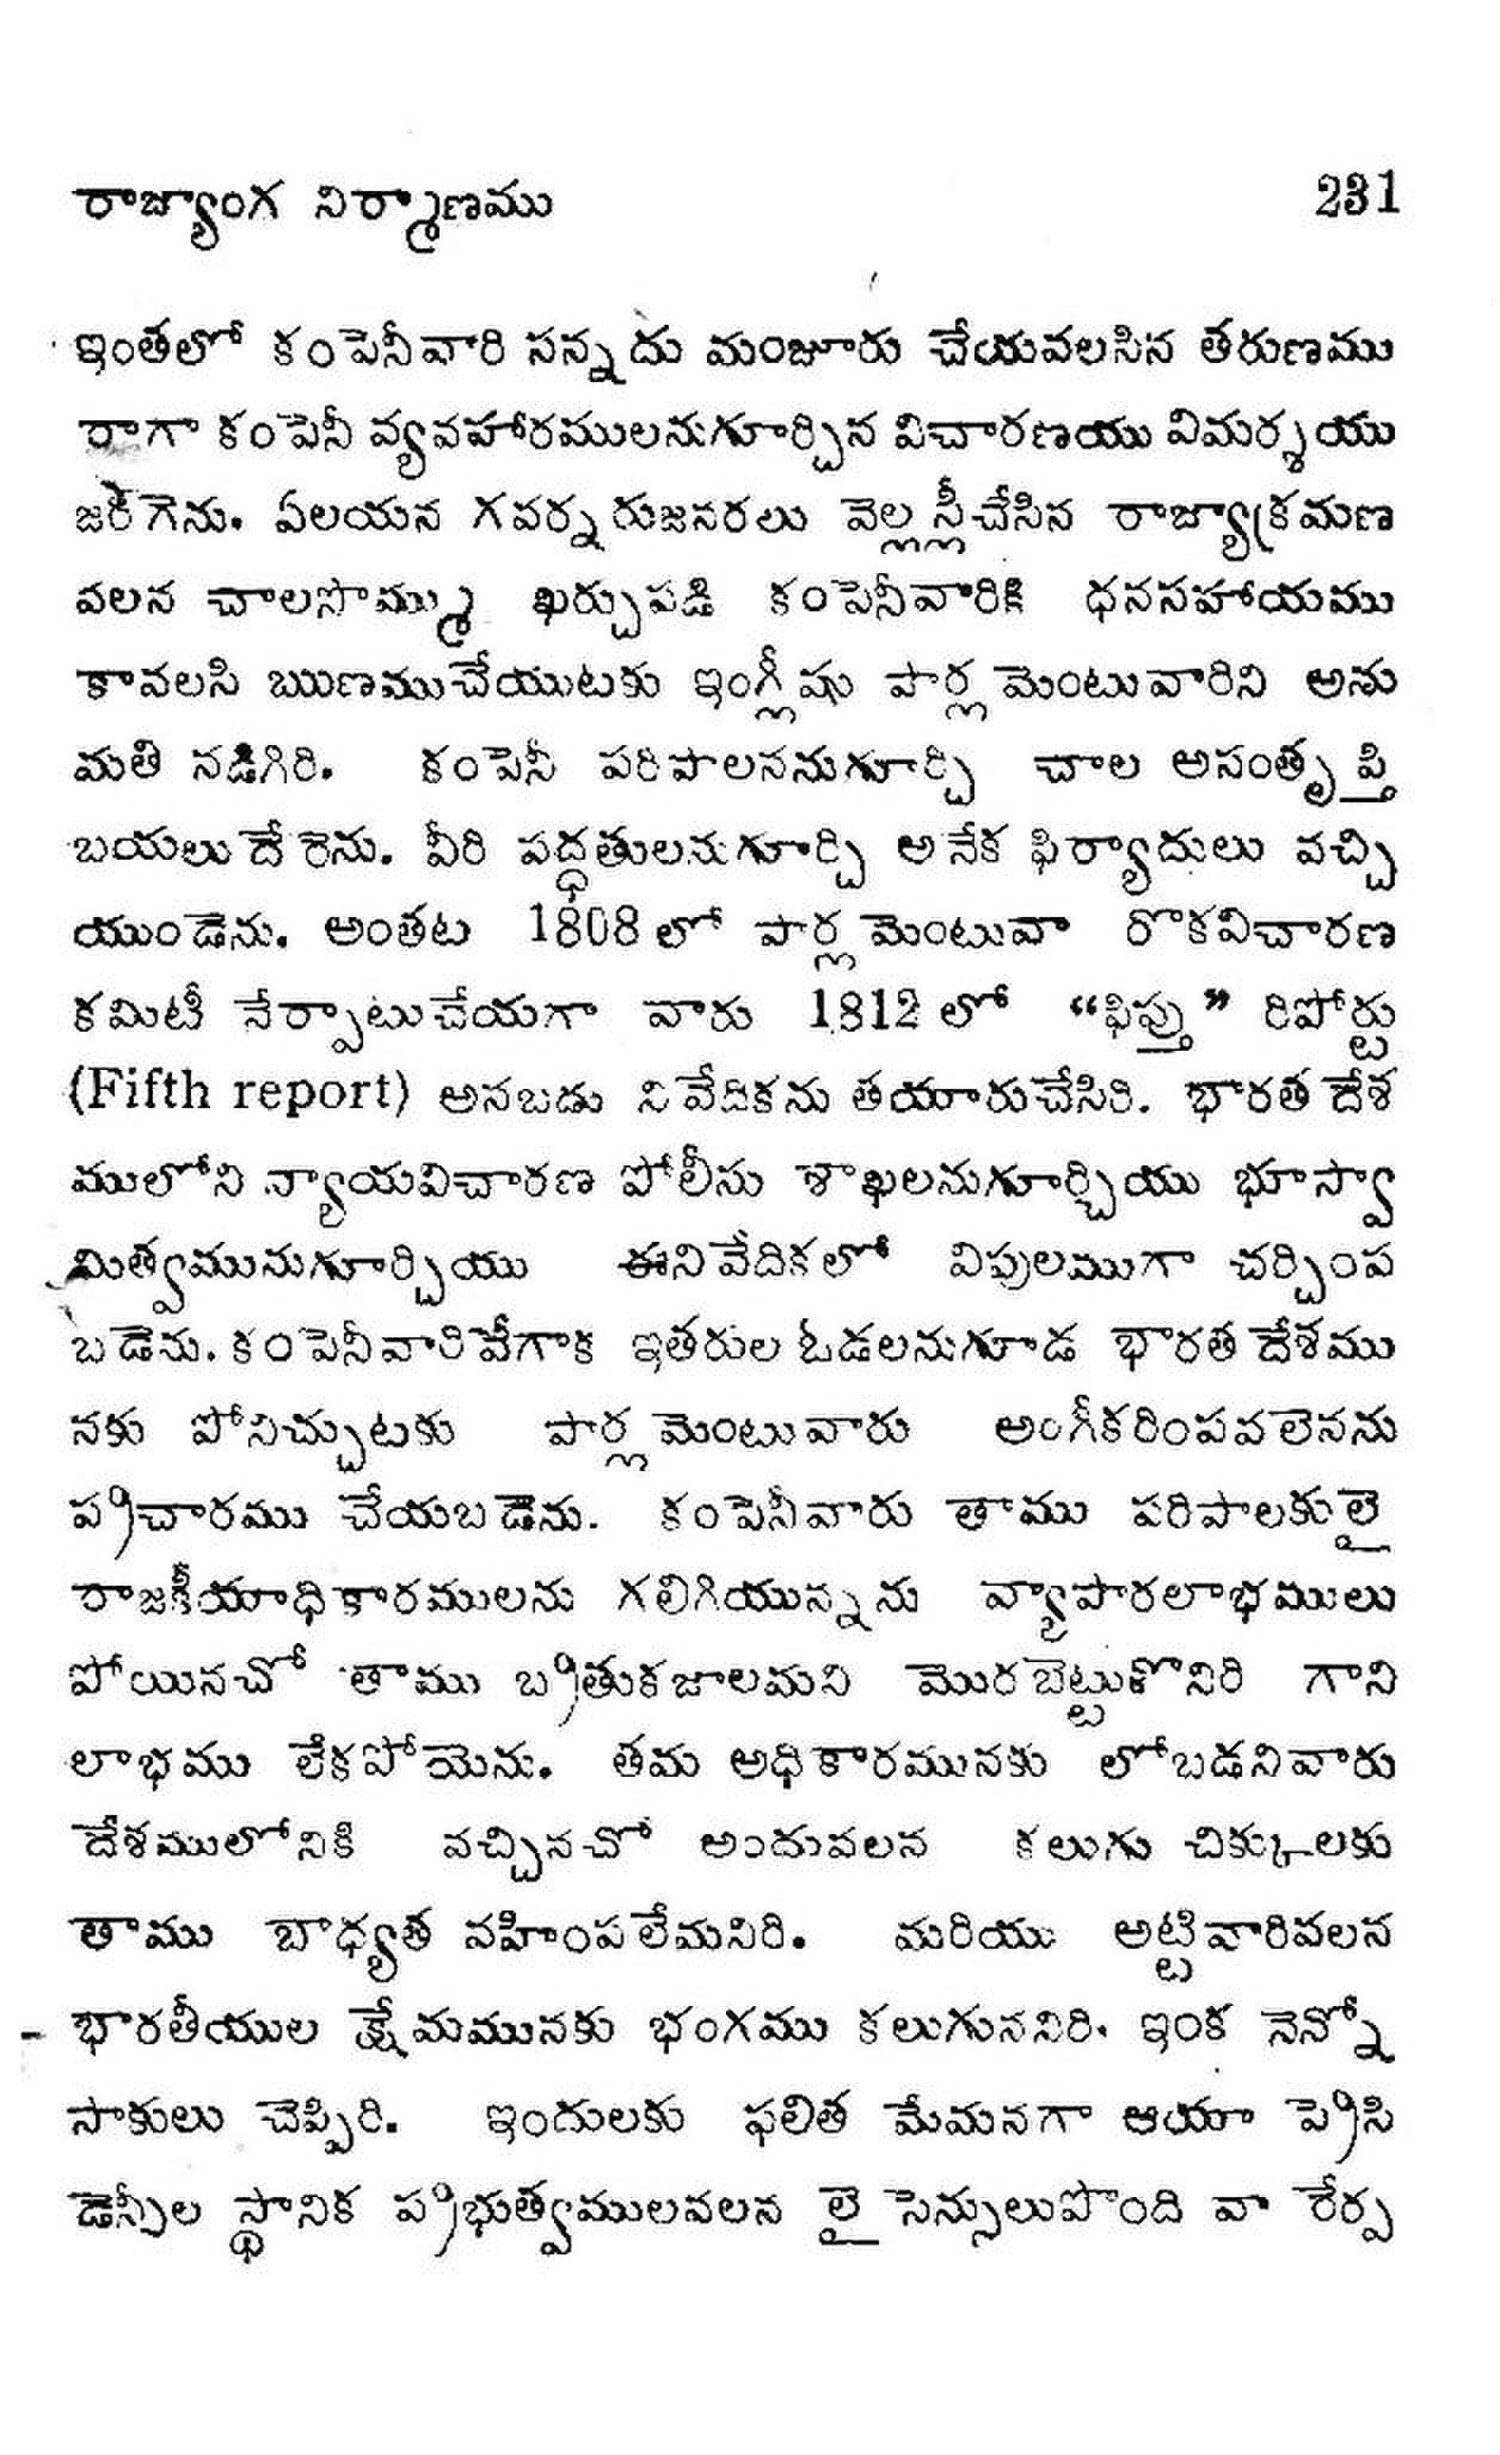ఇంతలో కంపెనీవారి సన్నదు మంజూరు చేయవలసిన తరుణము రాగా కంపెనీ వ్యవహారములనుగూర్చిన విచారణయు విమర్శయు జరిగెను. ఏలయన గవర్నరుజసరలు వెల్లస్లీచేసిన రాజ్యాక్రమణ వలన చాలసొమ్ము ఖర్చుపడి కంపెనీవారికి ధనసహాయము కావలసి ఋణముచేయుటకు ఇంగ్లీషు పార్లమెంటువారిని అనుమతి నడిగిరి. కంపెనీ పరిపాలనను గూర్చి చాల అసంతృప్తి బయలుదేరెను. వీరి పద్దతులనుగూర్చి అనేక ఫిర్యాదులు వచ్చియుండెను. అంతట 1808 లో పార్లమెంటువా రొకవిచారణ కమిటీ నేర్పాటుచేయగా వారు 1812 లో "ఫిప్తు" రిపోర్టు (Fifth report) అనబడు నివేదికను తయారుచేసిరి. భారతదేశములోని న్యాయవిచారణ పోలీసు శాఖలనుగూర్చియు భూస్వామిత్వమును గూర్చియు ఈనివేదికలో విపులముగా చర్చింపబడెను. కంపెనీవారివేగాక ఇతరుల ఓడలనుగూడ భారతదేశమునకు పోనిచ్చుటకు పార్లమెంటువారు అంగీకరింపవలెనను ప్రచారము చేయబడెను. కంపెనీవారు తాము పరిపాలకులై రాజకీయాధికారములను గలిగియున్నను వ్యాపారలాభములు పోయినచో తాము బ్రతుకజాలమని మొరబెట్టుకొనిరి గాని లాభము లేకపోయెను. తమ అధికారమునకు లోబడనివారు దేశములోనికి వచ్చినచో అందువలన కలుగు చిక్కులకు తాము బాధ్యత వహింపలేమనిరి. మరియు అట్టివారివలన భారతీయుల క్షేమమునకు భంగము కలుగుననిరి. ఇంక నెన్నోసాకులు చెప్పిరి. ఇందులకు ఫలిత మేమనగా ఆయా ప్రెసిడెన్సీల స్థానిక ప్రభుత్వములవలన లైసెన్సులుపొంది వా రేర్ప